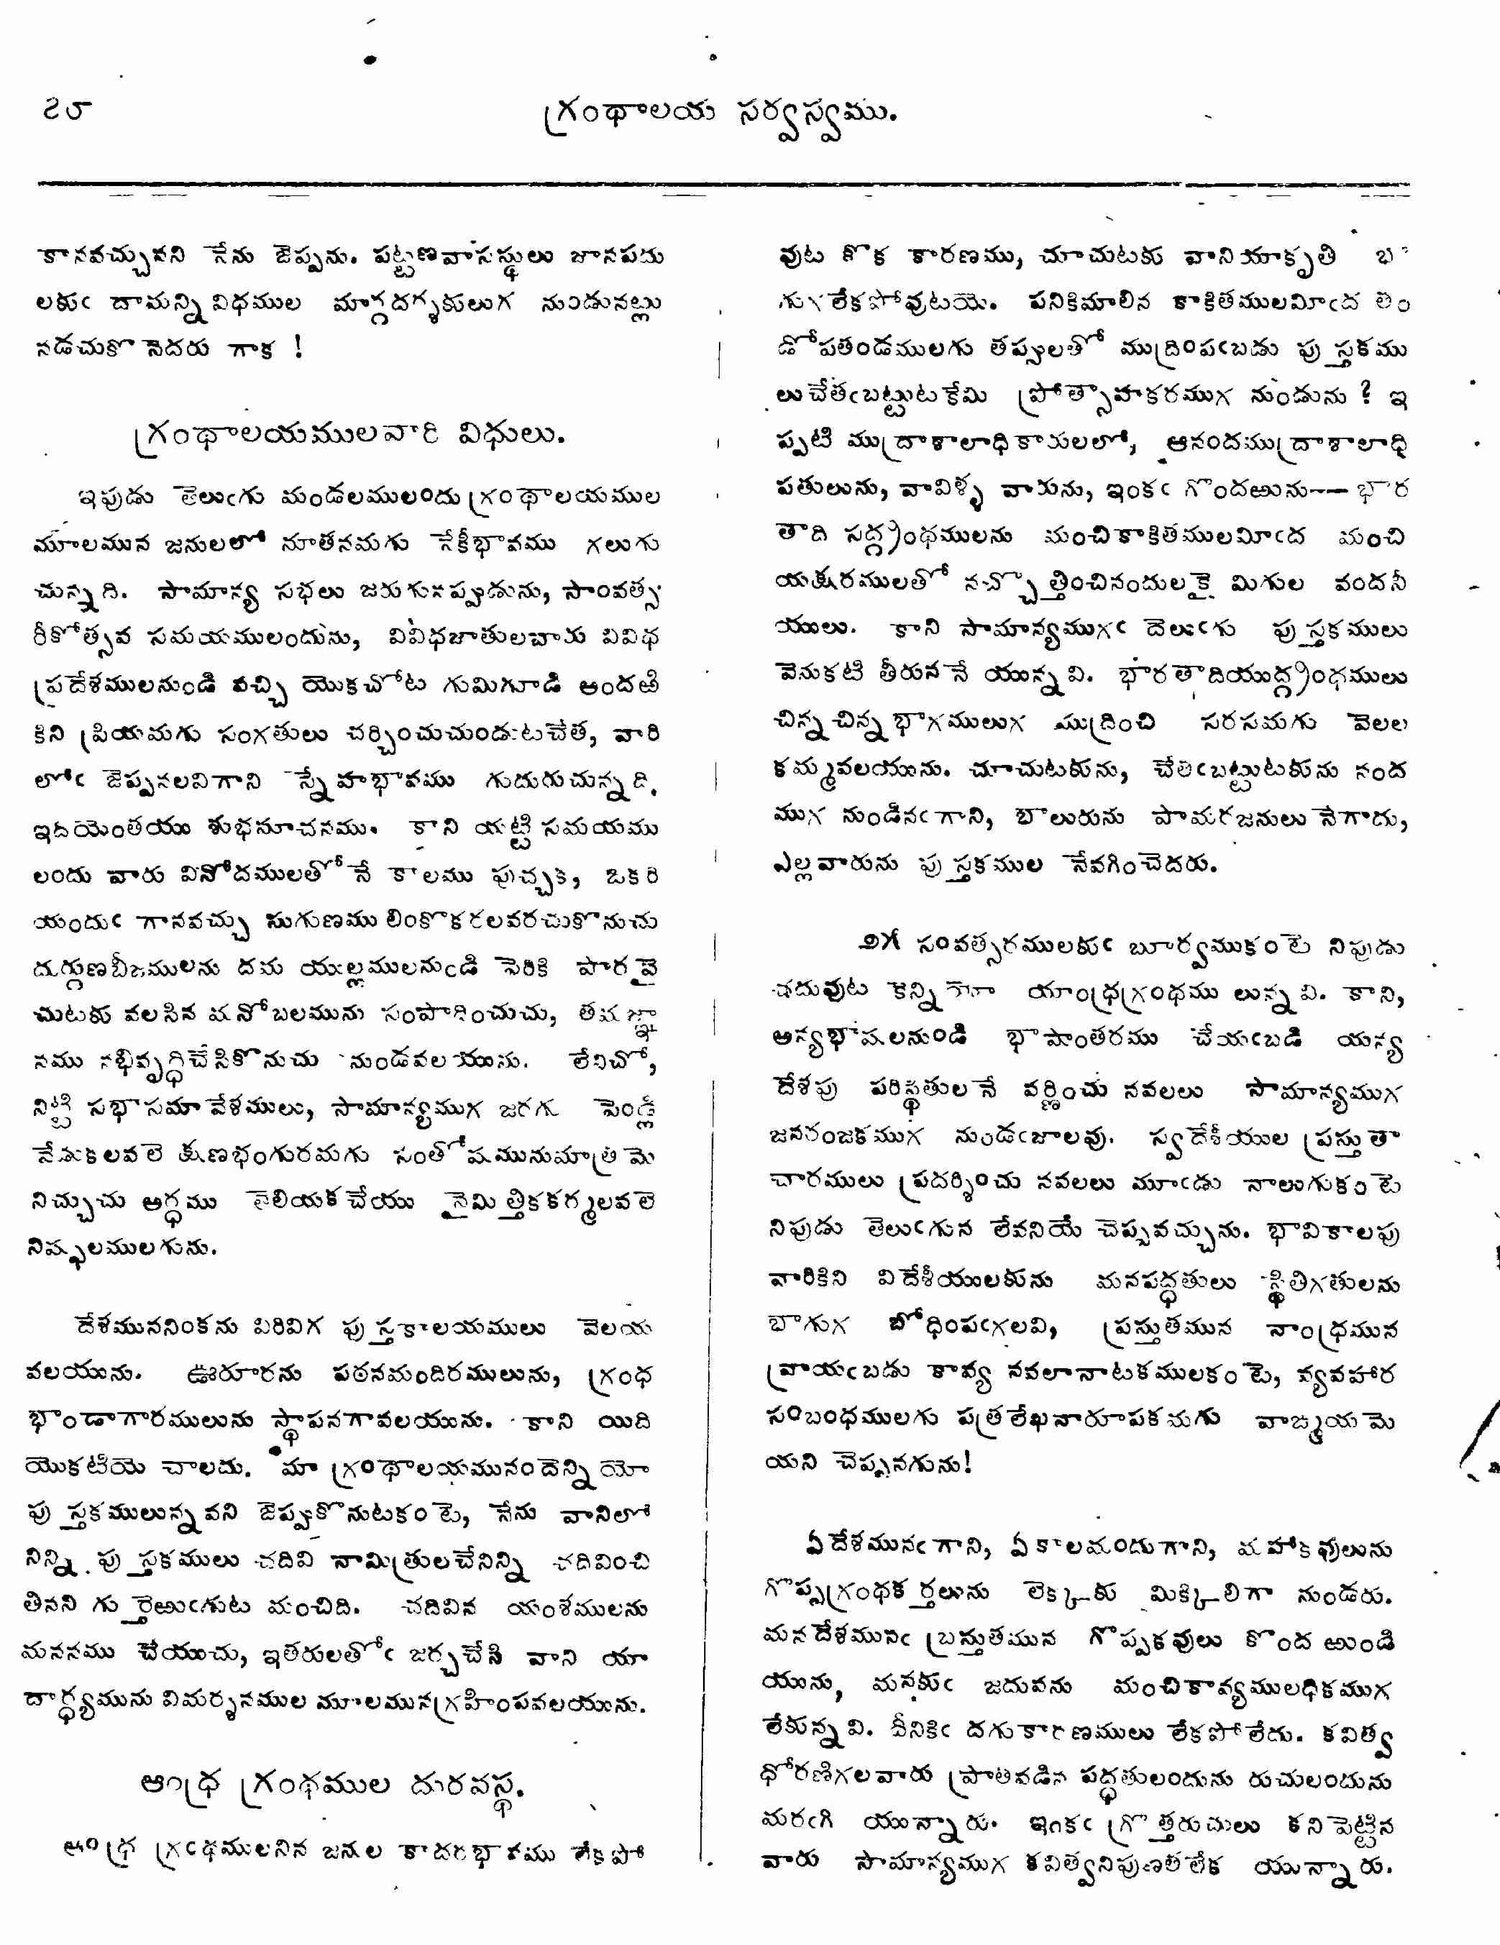కానవచ్చునని నేను జెప్పను. పట్టణవాసస్థులు జానపదులకుఁ దామన్ని విధముల మార్గదర్శకులుగ నుండునట్లు
నడచుకొ నెదరు గాక!

ఇపుడు తెలుఁగు మండలములందు గ్రంథాలయముల మూలమున జనులలో నూతనమగు నేకీభావము గలుగు చున్నది. సామాన్య సభలు జరుగునప్పుడును, సాంవత్సరీకోత్సవ సమయములందును, వివిధజాతులవారు వివిధ ప్రదేశములనుండి వచ్చి యొకచోట గుమిగూడి అందఱికిని ప్రియమగు సంగతులు చర్చించుచుండుటచేత, వారిలోఁ జెప్పనలనిగాని స్నేహభావము గుదురుచున్నది.
ఇదియెంతయు శుభసూచనము. కాని యట్టి సమయము లందు వారు వినోదములతోనే కాలము పుచ్చక, ఒకరియందుఁ గానవచ్చు సుగుణము లింకొకడలవరచుకొనుచు దుర్గుణబీజములను దమ యుల్లములనుఁడి పెరికి పారవైచుటకు వలసిన మనోబలమును సంపాదించుచు, తమ జ్ణానము నభివృద్ధి చేసికొనుచు నుండవలయుసు. లేనిచో, నిట్టి సభాసమావేశములు, సామాన్యముగ 
జరగు పెండ్లి వేడుకలవలె క్షణభంగురమగు సంతోషమునుమాత్రమె నిచ్చుచు అర్ధము తెలియకచేయు నైమిత్తికకర్మలవలె
నిష్ఫలములగును.

దేశముననింకను విరివిగ పుస్తకాలయములు వెలయ వలయును. ఊరూరను పఠనమందిరములును, గ్రంధభాండాగారములును స్థాపనగావలయును. కాని యిది యొకటీయె చాలదు. మా గ్రంథాలయమునందెన్నియో పుస్తకములున్నవని జెప్పుకొనుటకంటె, 
నేను వానిలో నిన్ని పుస్తకములు చదివి నామిత్రులచేనిన్ని చదివించితినని గురైఱుఁగుట మంచిది. చదివిన యంశములను
మననము చేయుచు, ఇతరులతోఁ జర్చచేసి వాని యాదార్ధ్యమును విమర్శనముల మూలమున గ్రహింపవలయును.

ఆంధ్ర గ్రంథములనిన జనుల కాదరభారము లేక పోవుట కొక కారణము, చూచుటకు వానియాకృతి బాగుగలేకపోవుటయె. పనికిమాలిన కాకితములమీఁద్ర త౦డోపతండములగు తప్పులతో ముద్రింపఁబడు పుస్తకములు చేతఁబట్టుటకేమి ప్రోత్సాహకరముగ నుండును? ఇప్పటి ముద్రాశాలాధికారులలో, ఆనందముద్రాశాలాధిపతులును, వావిళ్ళ వారును, ఇంకఁ గొందఱును - భారతాది సద్గ్రంధములను మంచి కాకితములమీఁద మంచి యక్షరములతో నచ్చొత్తించినందులకై మిగుల వందనీయులు. కాని సామాన్యముగ దెలుఁగు పుస్తకములు వెనుకటి తీరుననే యున్నవి. భారతాదియుద్గ్రంధములు చిన్నచిన్న భాగములుగు ముద్రించి సరసమగు 
వెలల కమ్మవలయును. చూచుటకును, చేతిఁబట్టుటకును నందమున నుండినఁగాని, బాలురును పామరజనులు నేగాదు,
ఎల్లవారును పుస్తకముల నేవగించెదరు.

౨౫ సంవత్సరములకుఁ బూర్వముకంటే నిపుడు చదువుట కొన్నియో యాంధ్రగ్రంథము లున్నవి. కాని, అన్యభాషలనుండి భాషాంతరము చేయఁబడి యస్యదేశపు పరిస్థితులనే వర్ణించు నవలలు సామాన్యముగ జనరంజకముగ నుండఁజాలవు. స్వదేశీయుల ప్రస్తుతాచారములు ప్రదర్శించు నవలలు మూడు నాలుగుకంటె నిపుడు తెలుఁగున లేవనియే చెప్పవచ్చును. భావికాలపు
వారికిని విదేశీయులకును మనపద్ధతులు స్థితిగతులను బాగుగా బోధింపఁగలవి, ప్రస్తుతమున నాంధ్రమున వ్రాయఁబడు కావ్య 
నవలా నాటకములకంటే, వ్యవహారసంబంధములగు పత్రలేఖనారూపకమగు వాఙ్మయమెయని చెప్పనగును!

ఏ దేశమునఁగాని, ఏకాలమందు గాని, మహాకవులును గొప్పగ్రంథకర్తలును లెక్కకు మిక్కిలిగా నుండరు. మనదేశమునిఁ బ్రస్తుతమున గొప్పకవులు కొంద ఱుండియును మనకుఁ జదువను మంచి కావ్యములధికముగ లేకున్నవి. దీనికిఁదగు కారణములు లేకపోలేదు. కవిత్వధోరణిగలవారు ప్రాతివడిన పద్ధతులందును రుచులందును మరఁగి యున్నారు. ఇంకఁ క్రొత్తరుచులు కనిపెట్టిన వారు సామాన్యముగ కవిత్వ నిపుణత లేకయున్నారు.